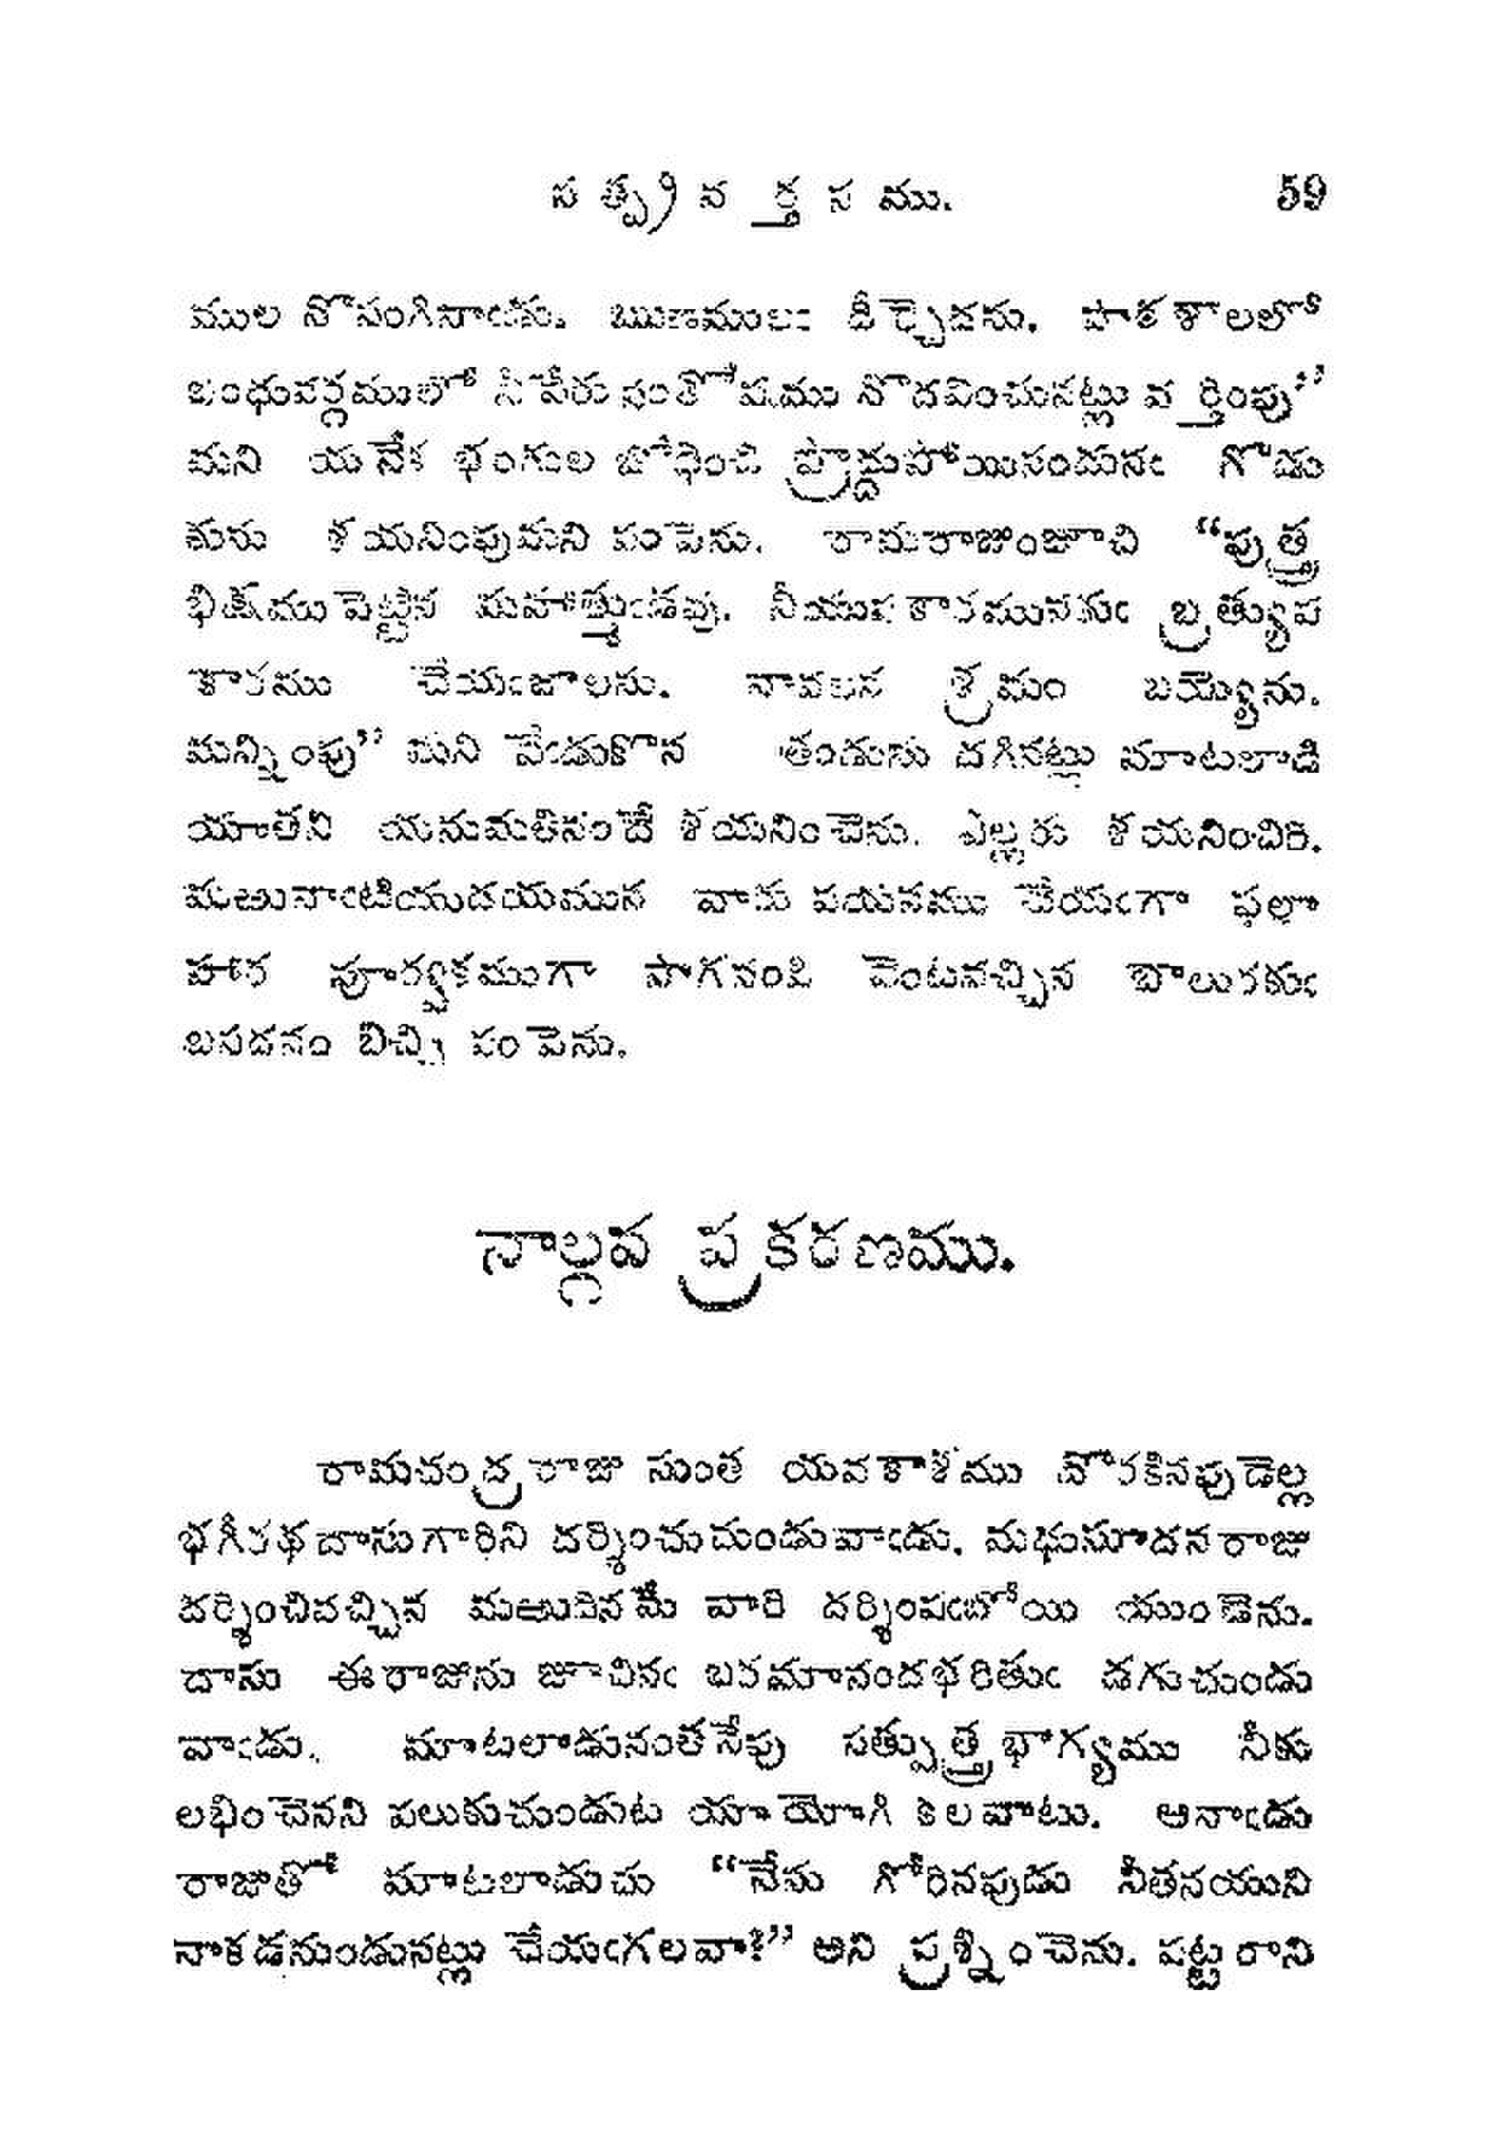ముల నొసంగినాడు. ఋణముల: దీర్చెదను. పాఠశాలలోకి బంధువర్గములో నీపేరు సంతోషము నొదవించునట్లు వర్తింపు '. ' మని యనేక భంగుల బోధించి పొద్దుపోయిు సందున గోడుకును శయనింపుమని పంపెను. రామరాజుం జూచి పుత్రభిక్షము పెట్టిన మహాత్ముడవు.. నీయుపకారమునకుఁ బ్రత్యుపకారము చేయుఁజూలను. నావలన శ్రమం బయ్యెను. మన్నింపు" మని వేడుకొనతండును దగినట్లు మాటలాడి యాతని యనుమతినం శయనించెను. ఎల్లరు శయనించిరి. మటునాఁటియుదయమున వారు పయనము చేయఁగా ఫలాహార పూర్వకముగా సాగనంపిరి. వెంటవచ్చిన బాలురకు: బసదనంబిచ్చి పంపెను.

నాల్గవ ప్రకరణము.

రామచంద్రరాజు సుంత యవకాశము దొరకినపుడెల్ల భగీరథ దాసుగారిని దర్శించుచుండువాడు, మధుసూదన రాజు దర్శించివచ్చిన మఱుదినమే వారి దర్శింపబోయి యుండెను. దాసు ఈ రాజును జూచినఁ బరమానందభరితుఁ డగుచుండు "వాడు. మాటలాడునంత సేపు సత్పుత్త, భాగ్యము నీకు లభించెనని పలుకుచుండుట యా యోగి కలవాటు. ఆన్నాడు. రాజుతో మాటలాడుచు నేను గోరినపుడు నీతనయుని నాకడనుండునట్లు చేయఁగలవా?” అని ప్రశ్నించెను. పట్టరాని